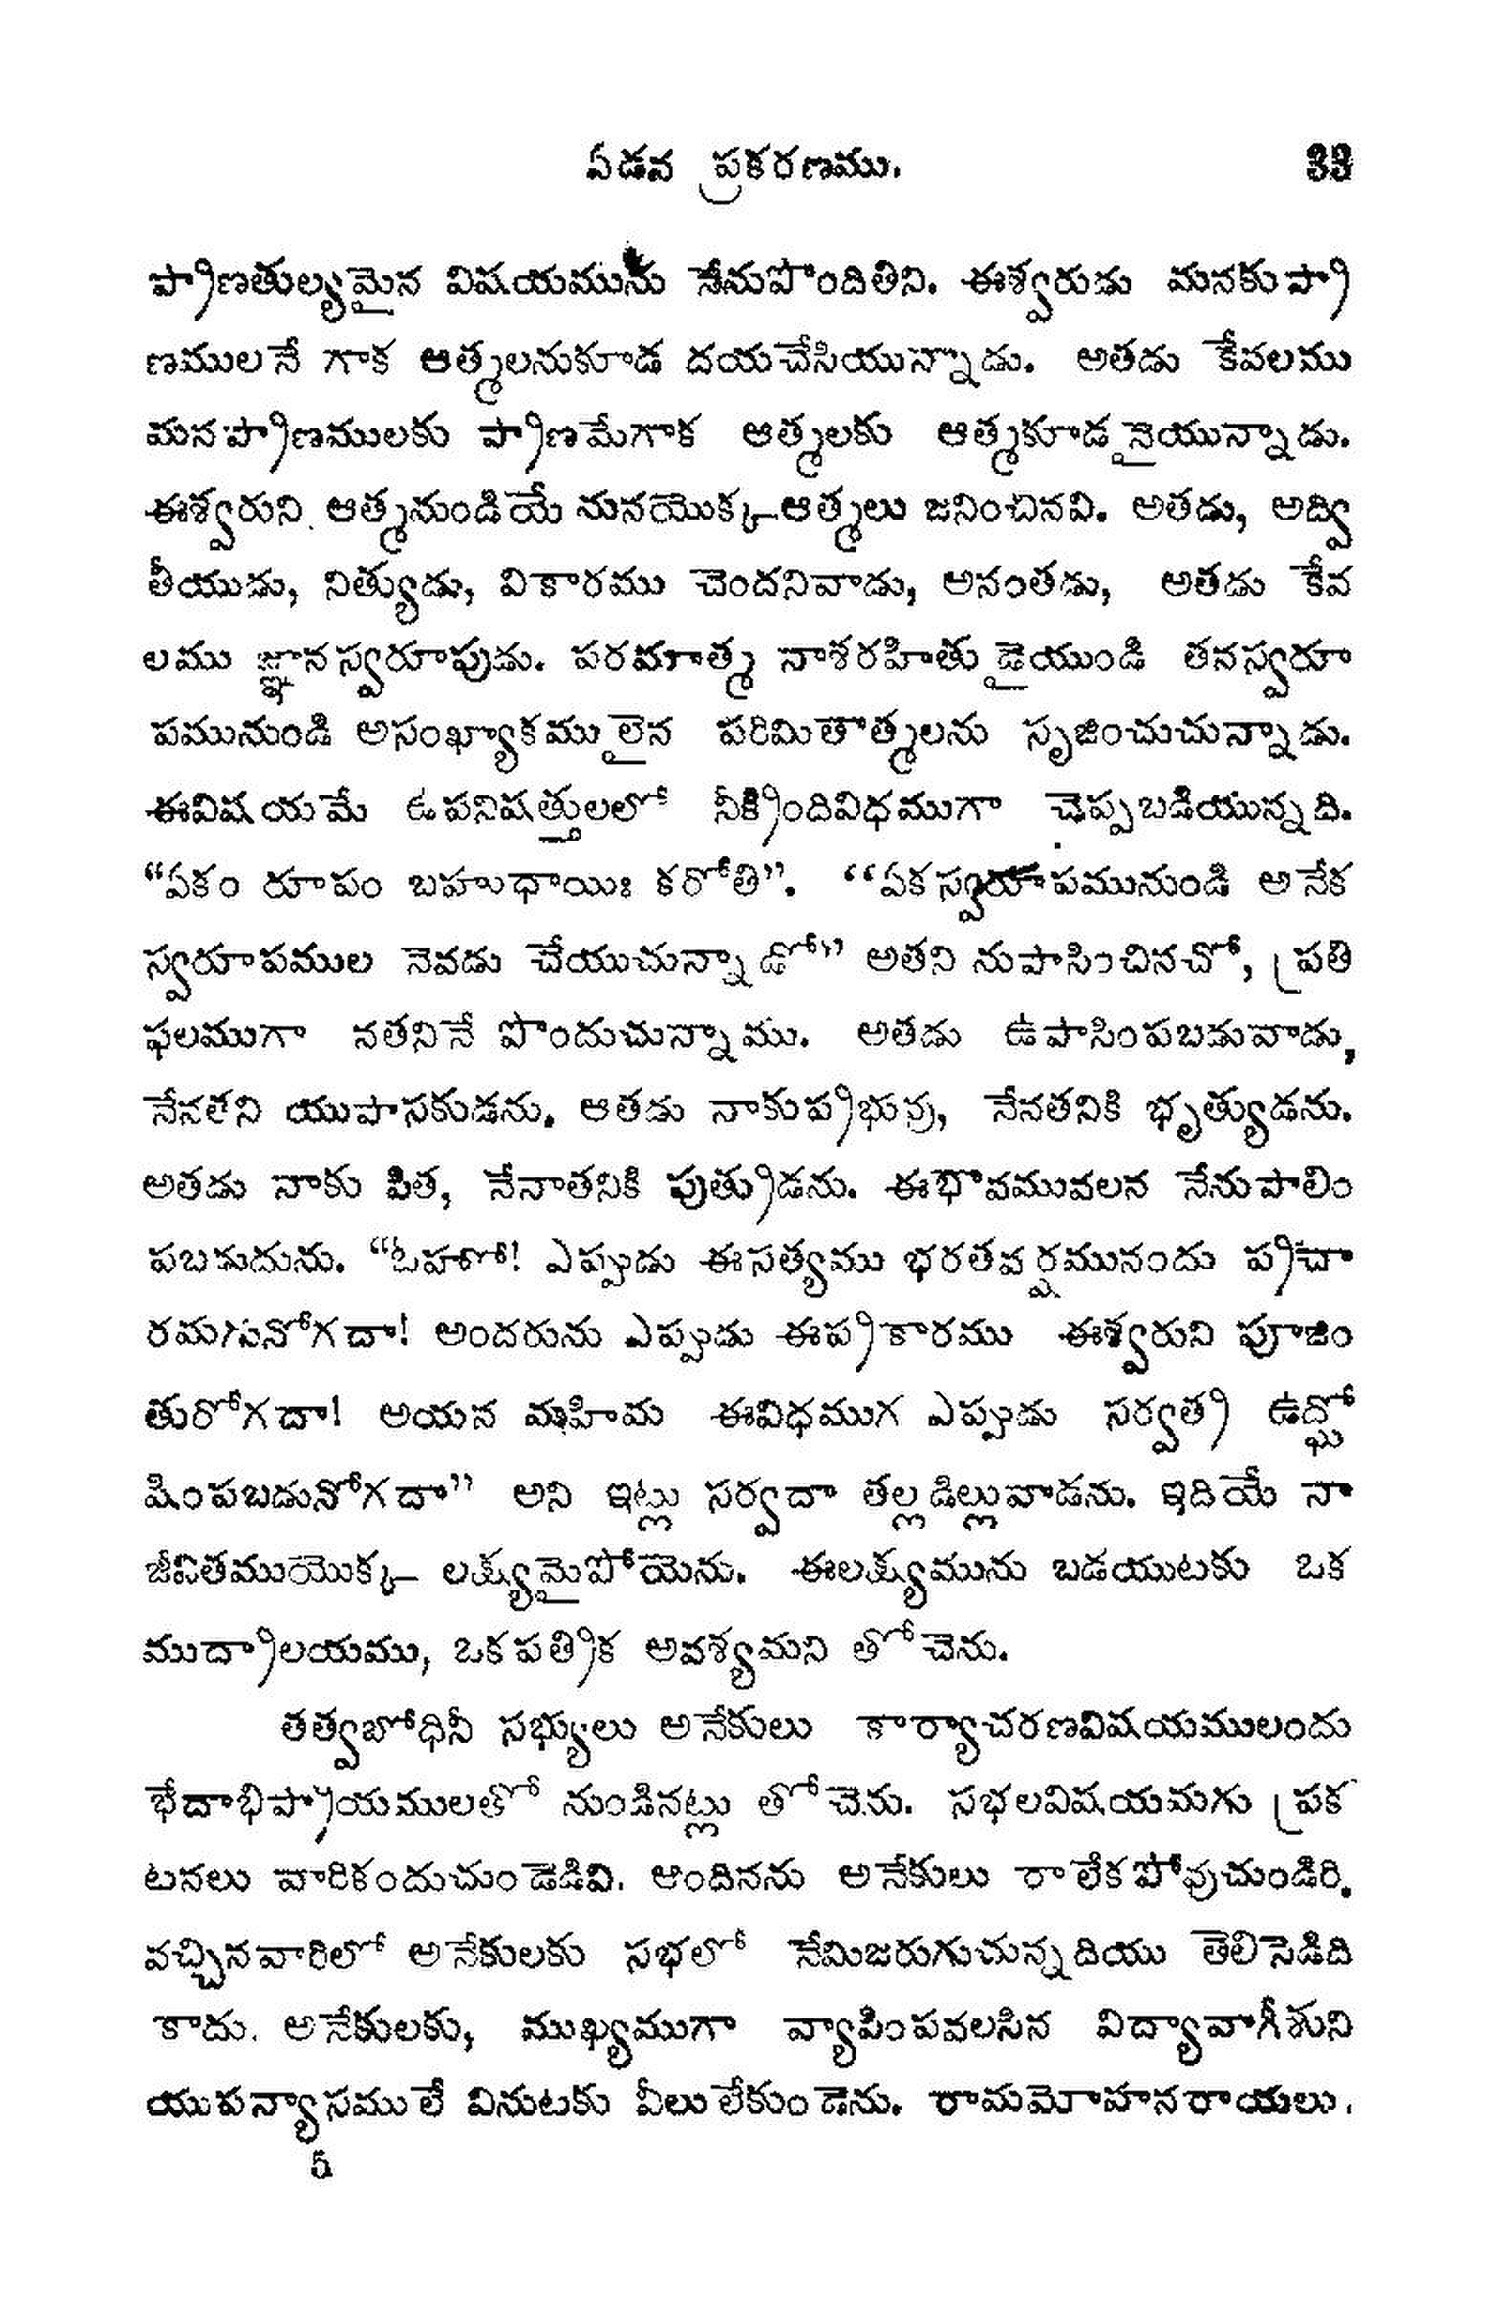ప్రాణతుల్యమైన విషయమును నేను పొందితిని. ఈ్వరుడు మనకు
ప్రాణములనే గాక ఆత్మలనుకూడ దయచేసియున్నాడు. అతడు కేవలము
మస ప్రాణములకు ప్రాణ మేగాక ఆత్మలకు ఆత్మకూడ నైయున్నాడు.
ఈశ్వరుని, ఆత్మనుండియే మన యొక్క ఆత్మలు జనించినవి. అతడు, అద్వి
తీయుడు, నిత్యుడు, వికారము చెందనివాడు, అనంతడు, అతడు కేవలము
జ్ఞాన స్వరూపుడు. పరమాత్మ నాశ రహితు డైయుండి తన స్వరూపమునుండి అసంఖ్యాకములైన పరిమితాత్మలను సృజించుచున్నాడు.ఈవిషయమే ఉపనిషత్తులలో నీక్రింది విధముగా చెప్పబడియున్నది “ఏకం రూపం.ధాయిః కరోతి”. “ఏక స్వరూపమునుండి అనేకస్వరూపముల నెవడు చేయుచున్నాడో" అతని నుపాసించినచో, ప్రతిఫలముగా నతనినే పొందుచున్నాము. అతడు ఉపాసింపబడు వాడు, నేనతని యుపాసకుడను. అతడు నాకు ప్రభువు, నేనతనికి భృత్యుడను. అతడు నాకు పిత, నేనాతనికి పుత్రుడను. ఈ భావమువలన నేను పాలింప బడుదును. "ఓహో! ఎప్పుడు ఈ సత్యము భరతవర్షమునందు ప్రచారమగు నోగదా! అందరును ఎప్పుడు ఈ ప్రకారము ఈశ్వరుని పూజింతురోగదా! అయన మహిమ ఈవిధముగ ఎప్పుడు సర్వత్రౌ ధ్గోషింపబడునోగ దా" అని ఇట్లు సర్వదా తల్లడిల్లు వాడను. ఇదియే నాజీవితము యొక్క లక్ష్యమై పోయెను. ఈ లక్ష్యమును బడయుటకు ఒక ముద్రాలయము, ఒక పత్రిక అవశ్యమని తోచెను.తత్వబోధినీ సభ్యులు అ నేకులు కార్యాచరణ విషయములందు
భేదాభిప్రాయములతో నుండినట్లు తోచెను. సభలవిషయమగు ప్రకటనలు వారి కందుచుండెడివి. ఆందినను అనేకులు రాలేక పోవుచుండిరి.వచ్చిన వారిలో 
అనేకులకు సభలో నేమిజరుగుచున్నదియు తెలిసెడిది కాదు. అనేకులకు, ముఖ్యముగా వ్యాపిం పవలసిన విద్యావాగీశుని యుపన్యాసములే వినుటకు వీలు లేకుండెను. రామమోహన రాయలు ,